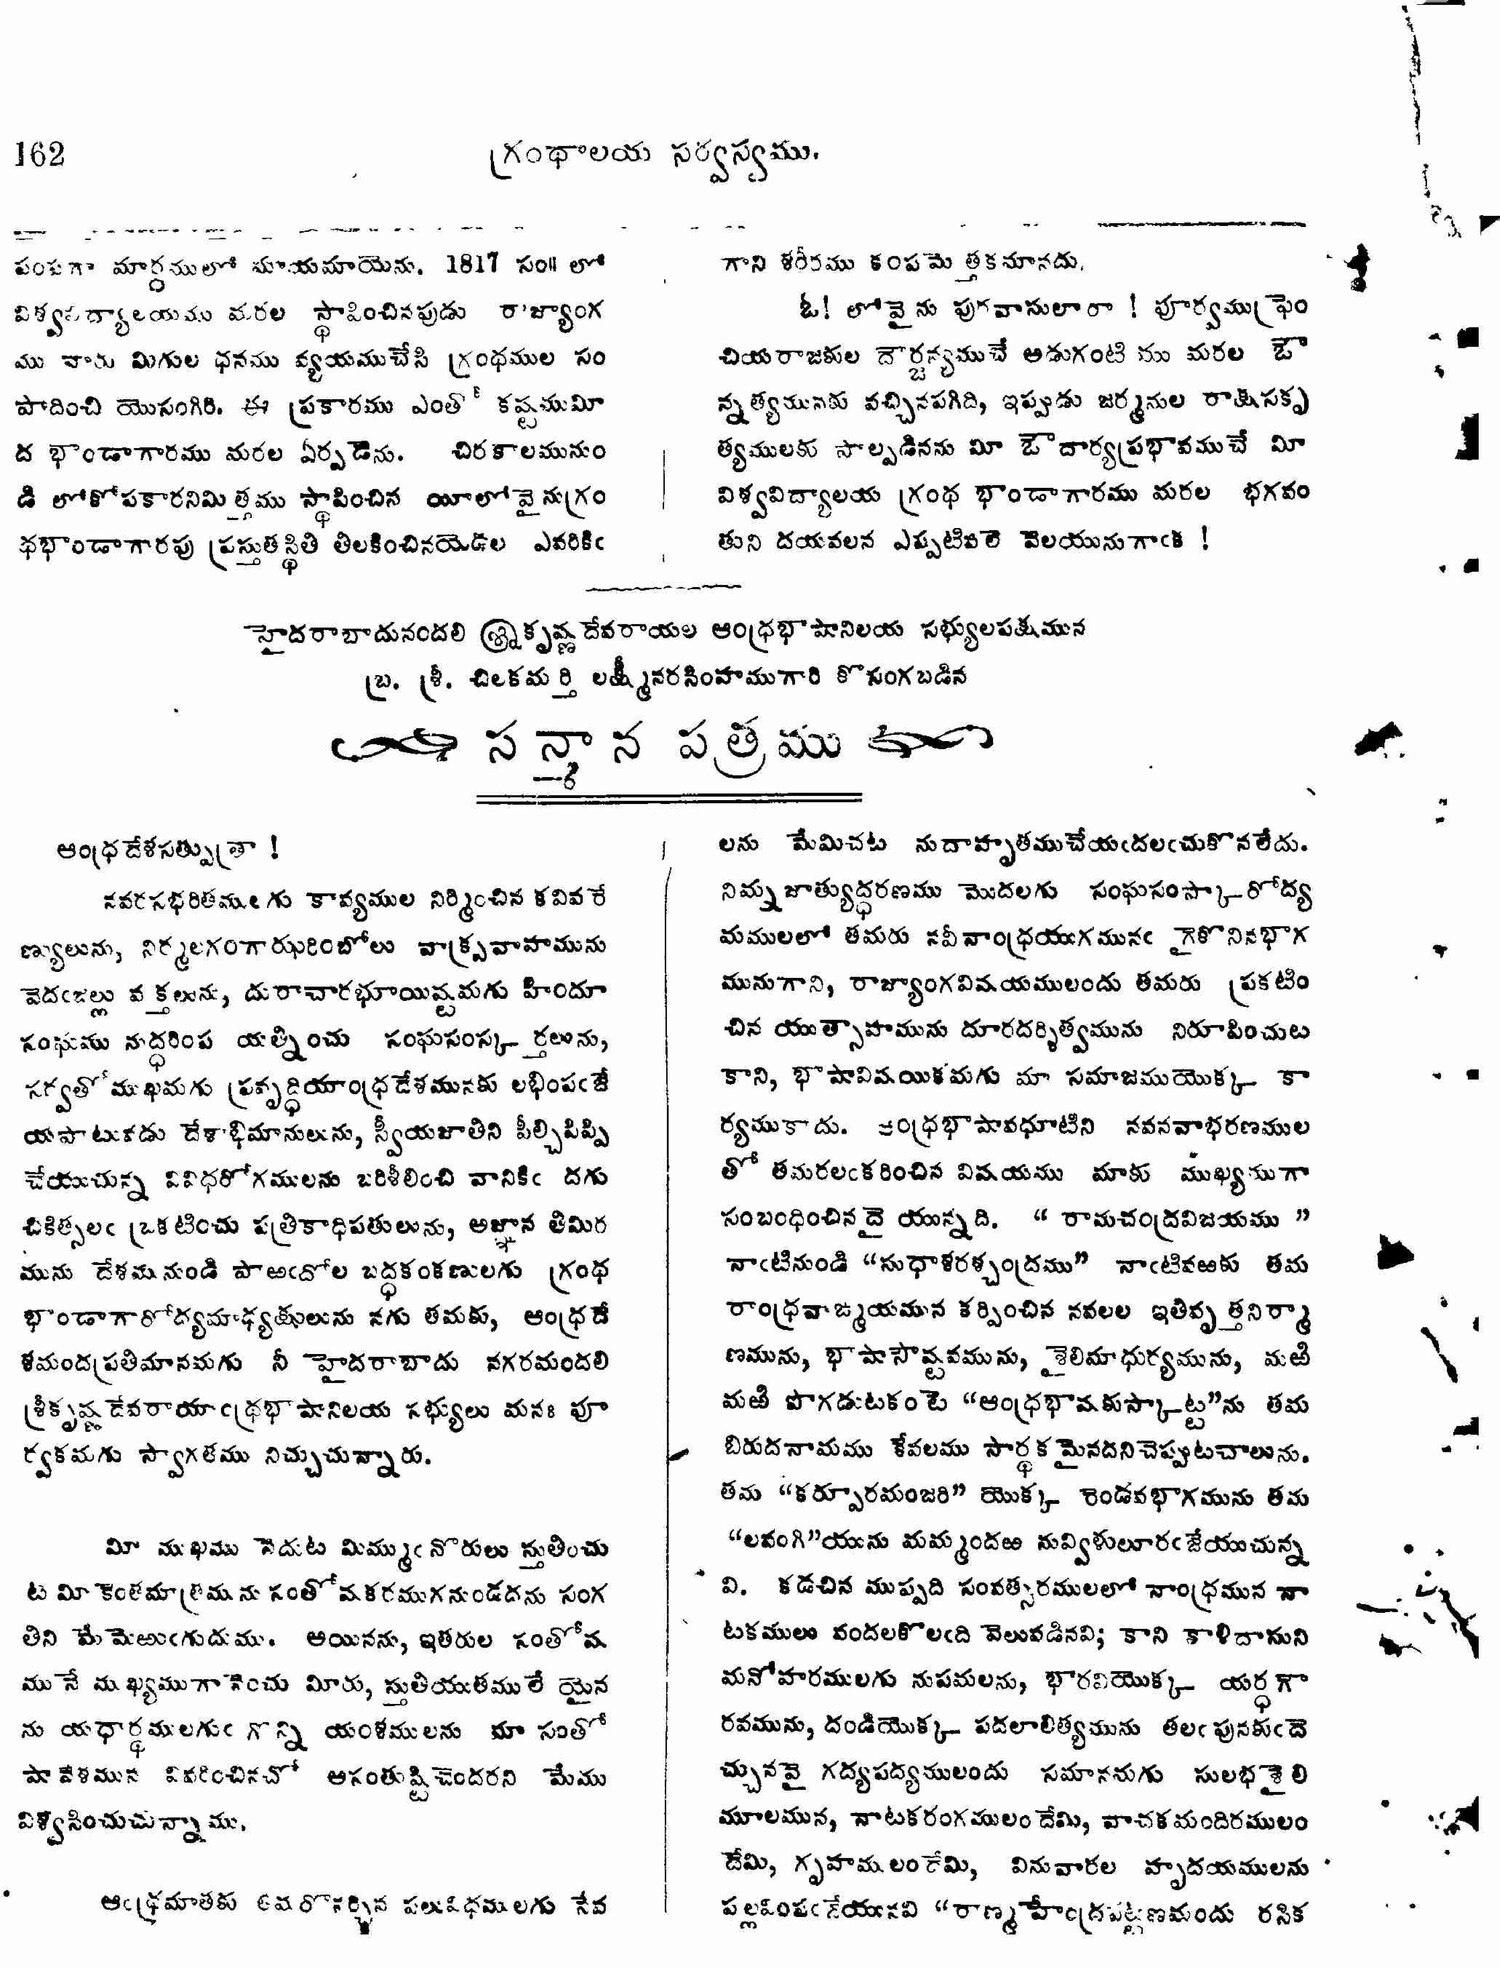పంపగా మార్గములో మాయమాయెను. 1817 సం॥ లో
విశ్వవిద్యాలయము మరల స్థాపించినపుడు రాజ్యాంగము వారు మిగుల ధనము వ్యయము చేసి గ్రంధముల సంపాదించి యొసంగిరి. ఈ ప్రకారము ఎంతోకష్టముమీద భాండాగారము మరల ఏర్పడెను. చిరకాలమునుండి లోకోపకారనిమిత్తము స్థాపించిన యీలోవైను గ్రంథభాండాగారపు ప్రస్తుత స్థితి తిలకించినయెడల ఎవరికిఁగాని శరీరము కంపమెత్తకమానదు.

ఓ! లోవైను పురవాసులారా! పూర్వము ఫ్రెంచియరాజకుల దౌర్జన్యముచే అడుగంటియు మరల ఔన్నత్యమునకు వచ్చిన పగిది, ఇప్పుడు జర్మనుల రాక్షసకృత్యములకు పాల్పడినను మీ ఔదార్యప్రభావముచే మీ విశ్వవిద్యాలయ గ్రంథ భాండాగారము మరల భగవంతుని దయవలన ఎప్పటివలె వెలయును గాఁక!

హైదరాబాదు నందలి శ్రీకృష్ణ దేవరాయల ఆంధ్రభాషానిలయ సభ్యులపక్షమున
బ్ర.శ్రీ.చిలకమర్తి చిలకమర్తి లక్ష్మీనరసింహముగారి కొసంగబడిన
ఆంధ్ర దేశసత్పుత్రా !
నవరసభరితముఁగు కావ్యములు నిర్మించిన కవివరే
ణ్యులును, నిర్మలగంగాఝరిఁబోలు వాక్రవాహమును
వెదఁజల్లు వక్తలును, దురాచార భూయిష్టమగు హిందూ
సంఘము నద్దరింప యత్నించు సంఘసంస్కర్తలును,
సర్వతో ముఖమగు ప్రవృద్ధియాంధ్రదేశమునకు లభింపఁజే
యపాటుకడు దేశాభిమానులును, స్వీయజాతిని పీల్చిపిప్పి
చేయుచున్న వివిధరోగములను జరిశీలించి వానికిఁ దగు
చికిత్సలఁ బ్రకటించు పత్రికాధిపతులును, అజ్ఞాన తిమిర
మును దేశమునుండి పాఱఁదోల బద్ధకంఠణులగు గ్రంథ
భాండాగారోద్యమాధ్యక్షులును నగు తమకు, ఆంధ్రదే
శమంద ప్రతిమానమగు నీ హైదరాబాదు నగరమందలి
శ్రీకృష్ణ దేవరాయాంధ్రభాషానిలయ సభ్యులు మనః పూ
స్వకమగు స్వాగతము నిచ్చుచున్నారు.
మీ ముఖము పెదుట మిమ్ముఁ నొరులు స్తుతించు
ట మీ కెంతమాత్రమును సంతో మకరముగనుండదను సంగ
తిని మేమెఱుఁగుదుము. అయిననూ, ఇతరులు సంతోష
మునే ను ఖ్యముగా శించు మీరు, స్తుతియుతములే యైన
ను యధార్థములగుఁ గొన్ని యంశములను మా సంతో
పావేశమున వివరించినచో అగంతుషి చెందరని మేము
విశ్వసించుచున్నాము,
ట
ఆంధ్రమాతకు 6వ రోకార్చిన పలు విధములగు సేవ
లను మేమిచట నుదాహృతముచేయఁదలఁచుకొనలేదు.
నిమ్న జాత్యుద్ధరణము మొదలగు సంఘసంస్కారోద్య
మములలో తమరు సవీనాంధ్రయుగమునఁ గైకొనిన భాగ
మునుగాని, రాజ్యాంగవిషయములందు తమరు ప్రకటిం
చిన యుత్సాహమును దూరదర్శిత్వమును నిరూపించుట
కాని, భాషావిషయికమగు మా సమాజము యొక్క కా
ర్యముకాదు. ఆంధ్రభాషావధూటిని నవనవాభరణముల
తో తమరలఁకరించిన విషయము మాకు ముఖ్యముగా
సంబంధించినదై యున్నది.
రామచంద్రవిజయము
"
నాఁటినుండి “సుధాశరశ్చంద్రము” నాఁటివఱకు తమ
రాంధ్రవాఙ్మయమున కర్పించిన నవలల ఇతివృత్తనిర్మా
ణమును, భాషాసౌష్టవమును, శైలిమాధుర్యమును, మఱి
మఱి పొగడుటకంటె “ఆంధ్రభావకు స్కాట”ను తమ
బిరుదనామము కేవలము సార్థకమైనదిని చెప్పుట చాలును.
తమ “కర్పూరమంజరి" యొక్క రెండవ భాగమును తమ
“లవంగి”యును మమ్మందఱ నువ్విళులూరఁ జేయుచున్న
వి. కడచిన ముప్పది సంవత్సరములలో నాంధ్రమున నా
టకములు వందలకొలఁది వెలువడినవి; కాని కాళిదాసుని
మనోహరములగు నుపమలను, భారవియొక్క యం యర్ధ గో
రవమును, దండియొక్క పదలాలిత్యమును తలఁపునకుఁదె
చ్చునవై గద్యపద్యములందు సమాననుగు సులభశైలి
మూలమున, నాటకరంగములం దేమి, వాచకమందిరములం
దేమి, గృహము లండేమి వినువారల హృదయములను '
పల్లజింపఁజేయునవి “రాణ్మహేంద్ర పట్టణమందు రసిక